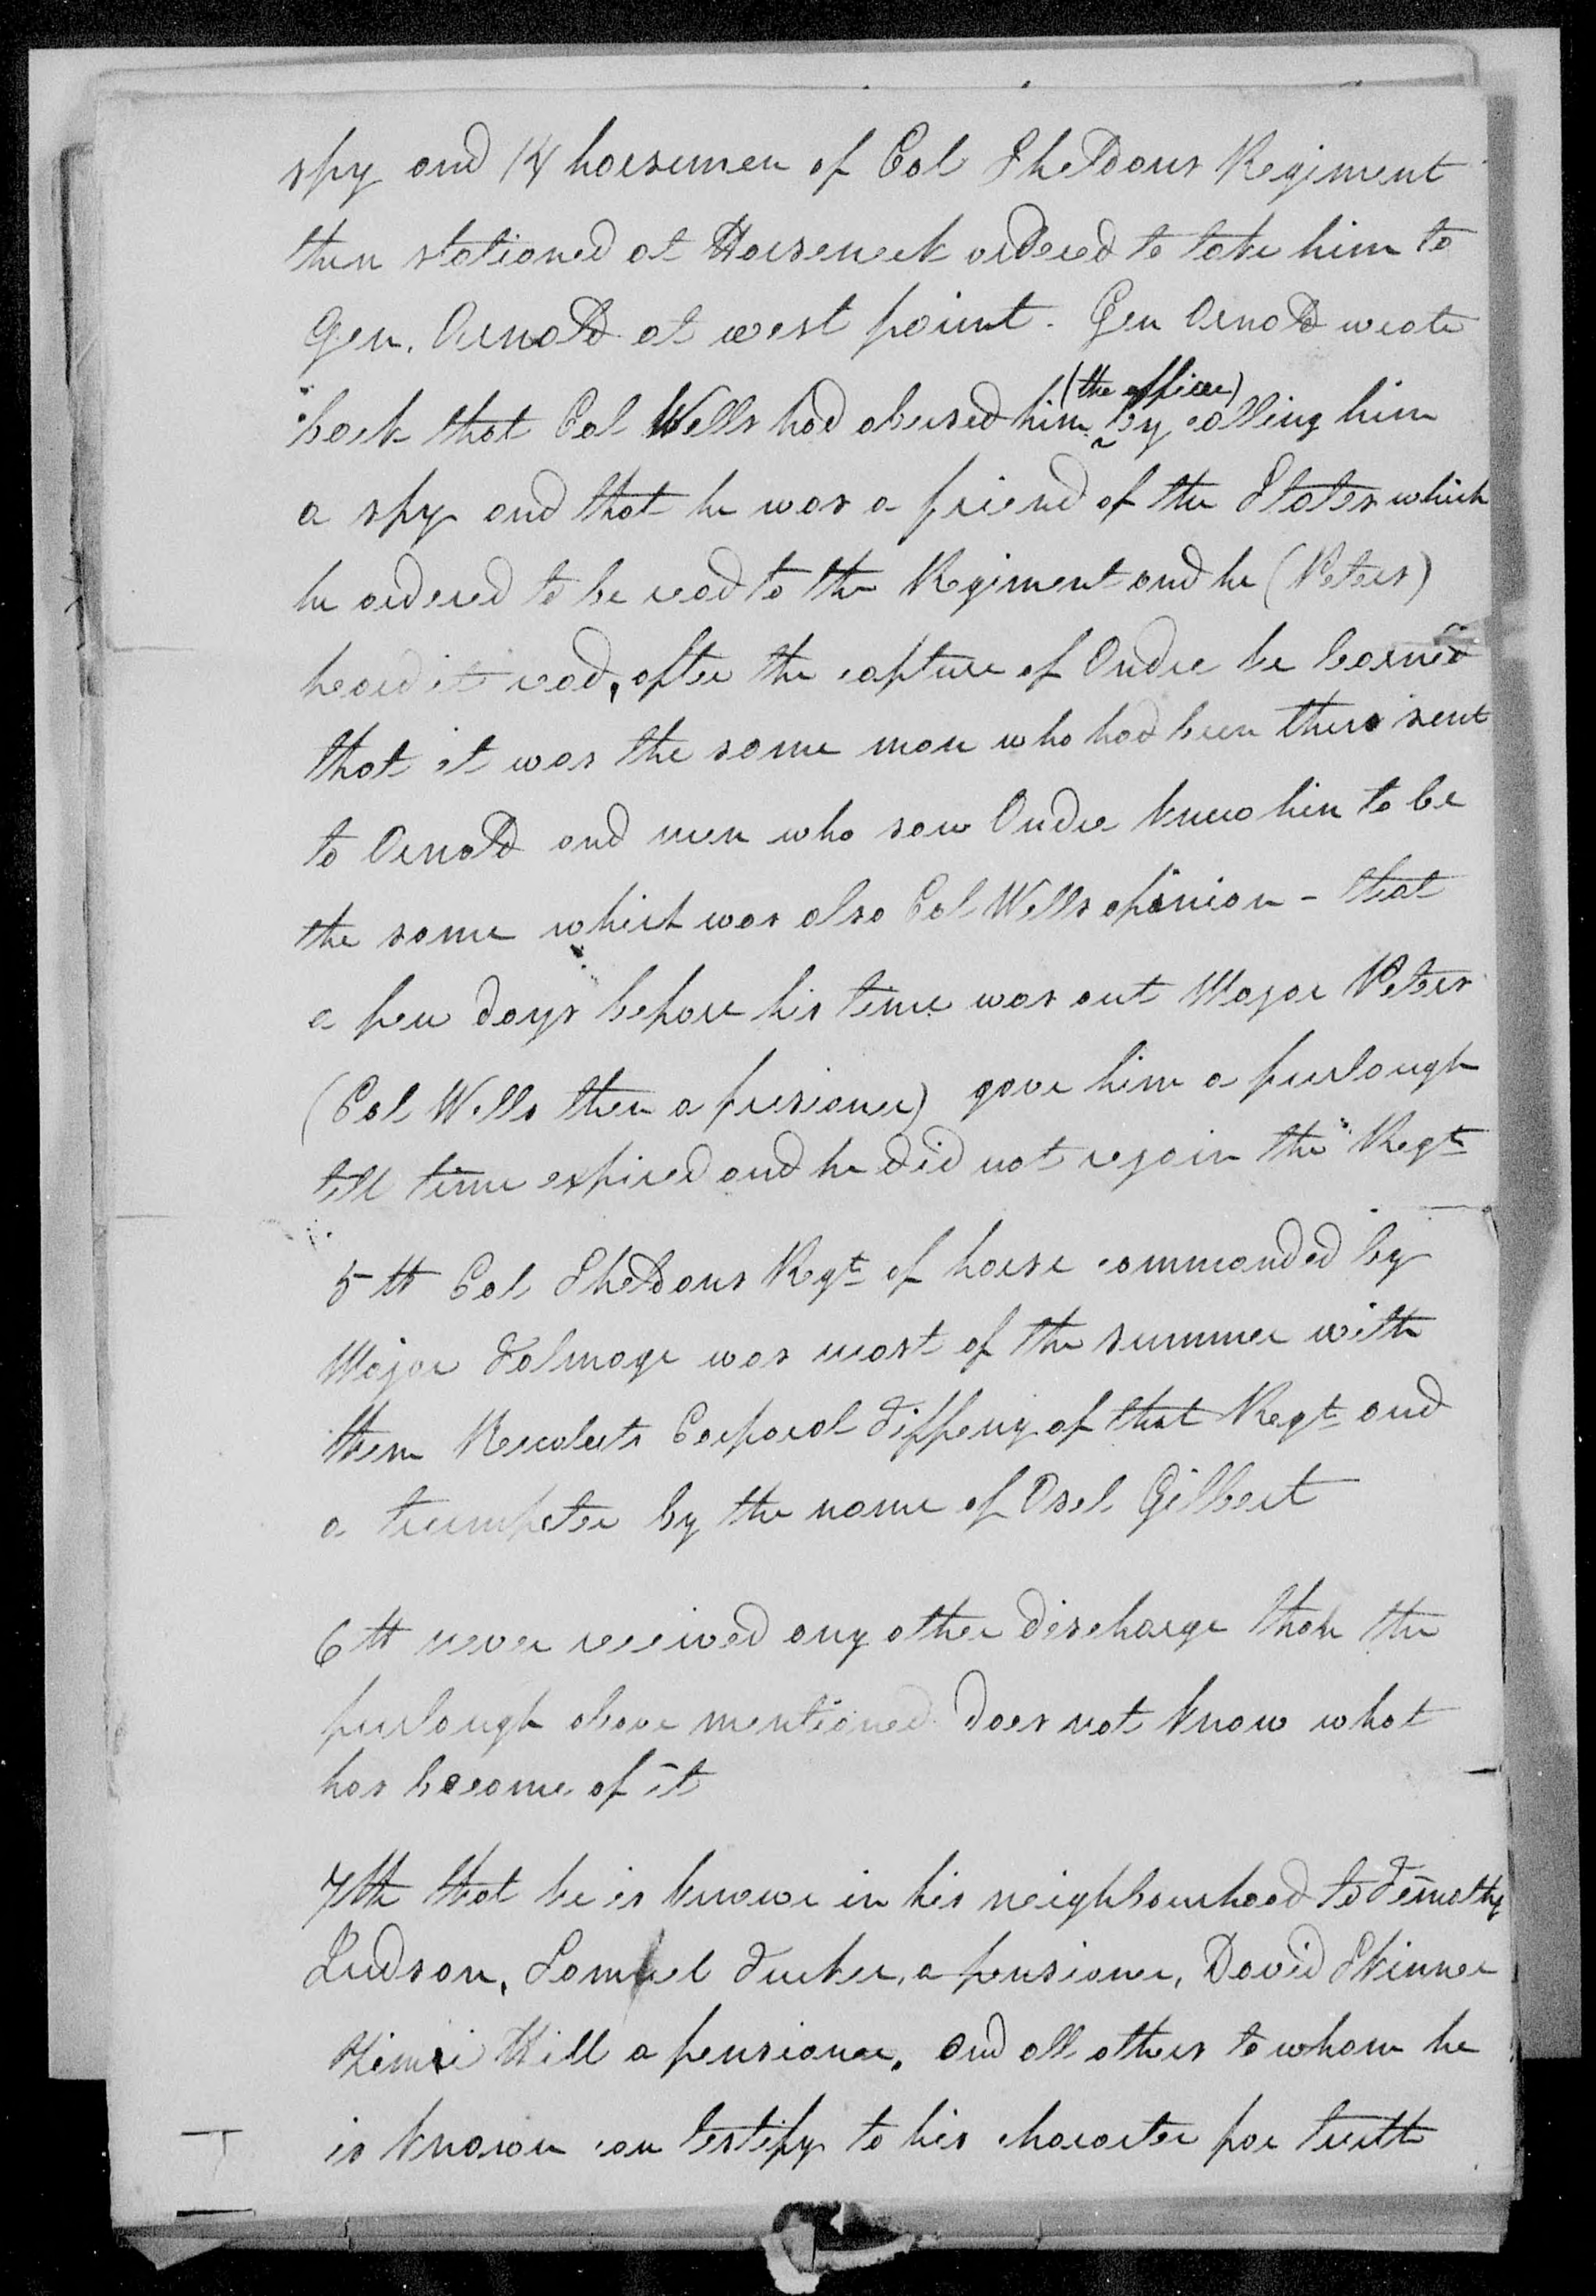spy and 14 horsemen of Col Sheldons Regiment then stationed at Horseneck ordered to take him to Gen. Arnold at West point. Gen Arnold wrote back that Col Wells had abused him (the officer)  by calling him a spy and that he was a friend of the States which he ordered to be read to the Regiment and he (Peters) heard it read, after the capture of Andre he learned that it was the same man who had been there sent to Arnold and men who saw Ande knew him to be the same which was also Col Wells opinion. That few days before his time was out Major Peter (Col Wells then a prisoner) gave him a furlough till time expired and he did not rejoin the Regt.  
5th  Col. Sheldons Regt of horse commanded by Major Tallmadge was most of the summer with them.  Recollects Corporal Tippiny of that Regt and trumpeter by the name of Osel Gilbert. 
6th  never received any other discharge than the furlough above mentioned.  Does not know what her become of it.
7th that he is known in his neighbourhood to Timothy Judson, Samuel Tucker, a pensioner, David Skinner, Lemie Hill a pensioner, and all other to whom he is known can testify to his charater for truth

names: Samuel Tucker; [BLANK] Wells; David Skinner; [BLANK] Arnold; Timothy Judson; [BLANK] Talmage; [BLANK] Peters; Osel Gilbert; [BLANK] Oudie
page: 13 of 73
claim: widow's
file: W. 2338, for Joseph P Peters, Connecticut